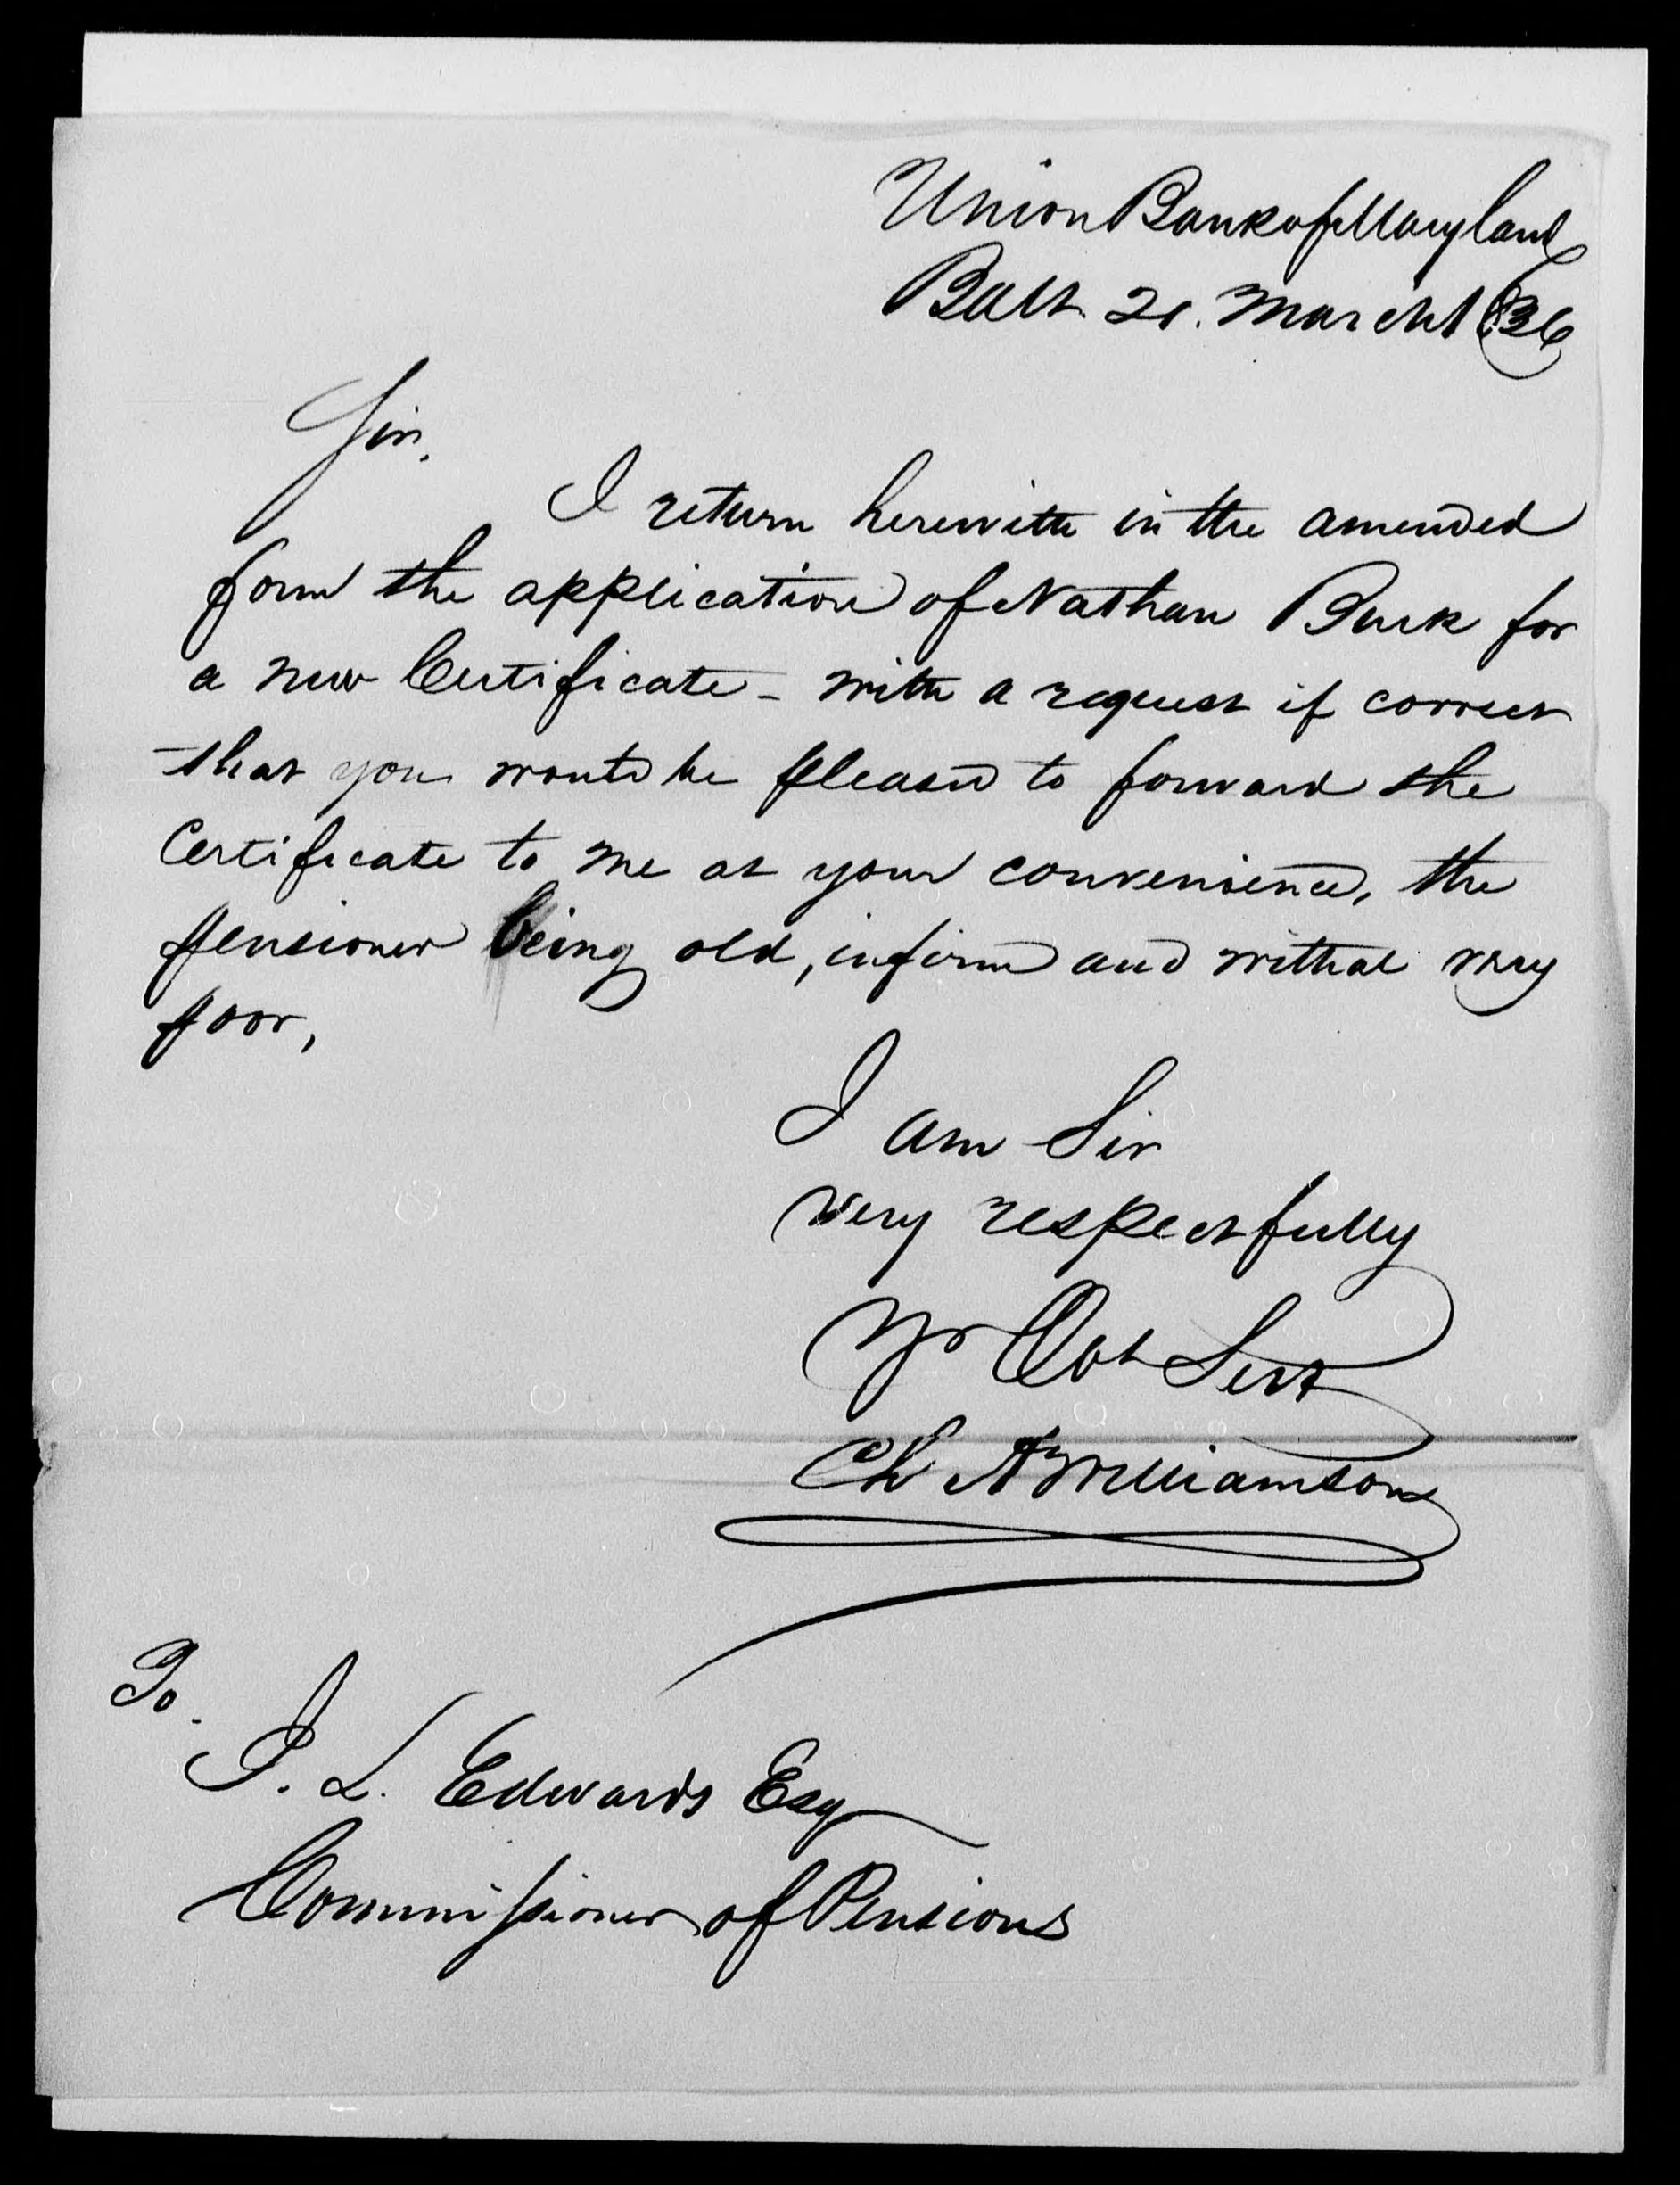Union Bank of Maryland
Balt 21 March 1836
Sir.
I return herewith in the amended
form the application of Nathan Burk for
a new Certificate- with a request if correct
that you want be pleased to forward the
Certificate to me at your convenience, the
pensioner being old, infirm and withal very
poor,
I am Sir
very respectfully
your servant
Ch A Williamson
To. J.L. Edwards Esq
Commissioner of Pensions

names: Nathan Burk, Ch A Williamson, J L Edwards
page: 19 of 20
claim: survivor's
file: S. 34674, Nathan Burk, Md.